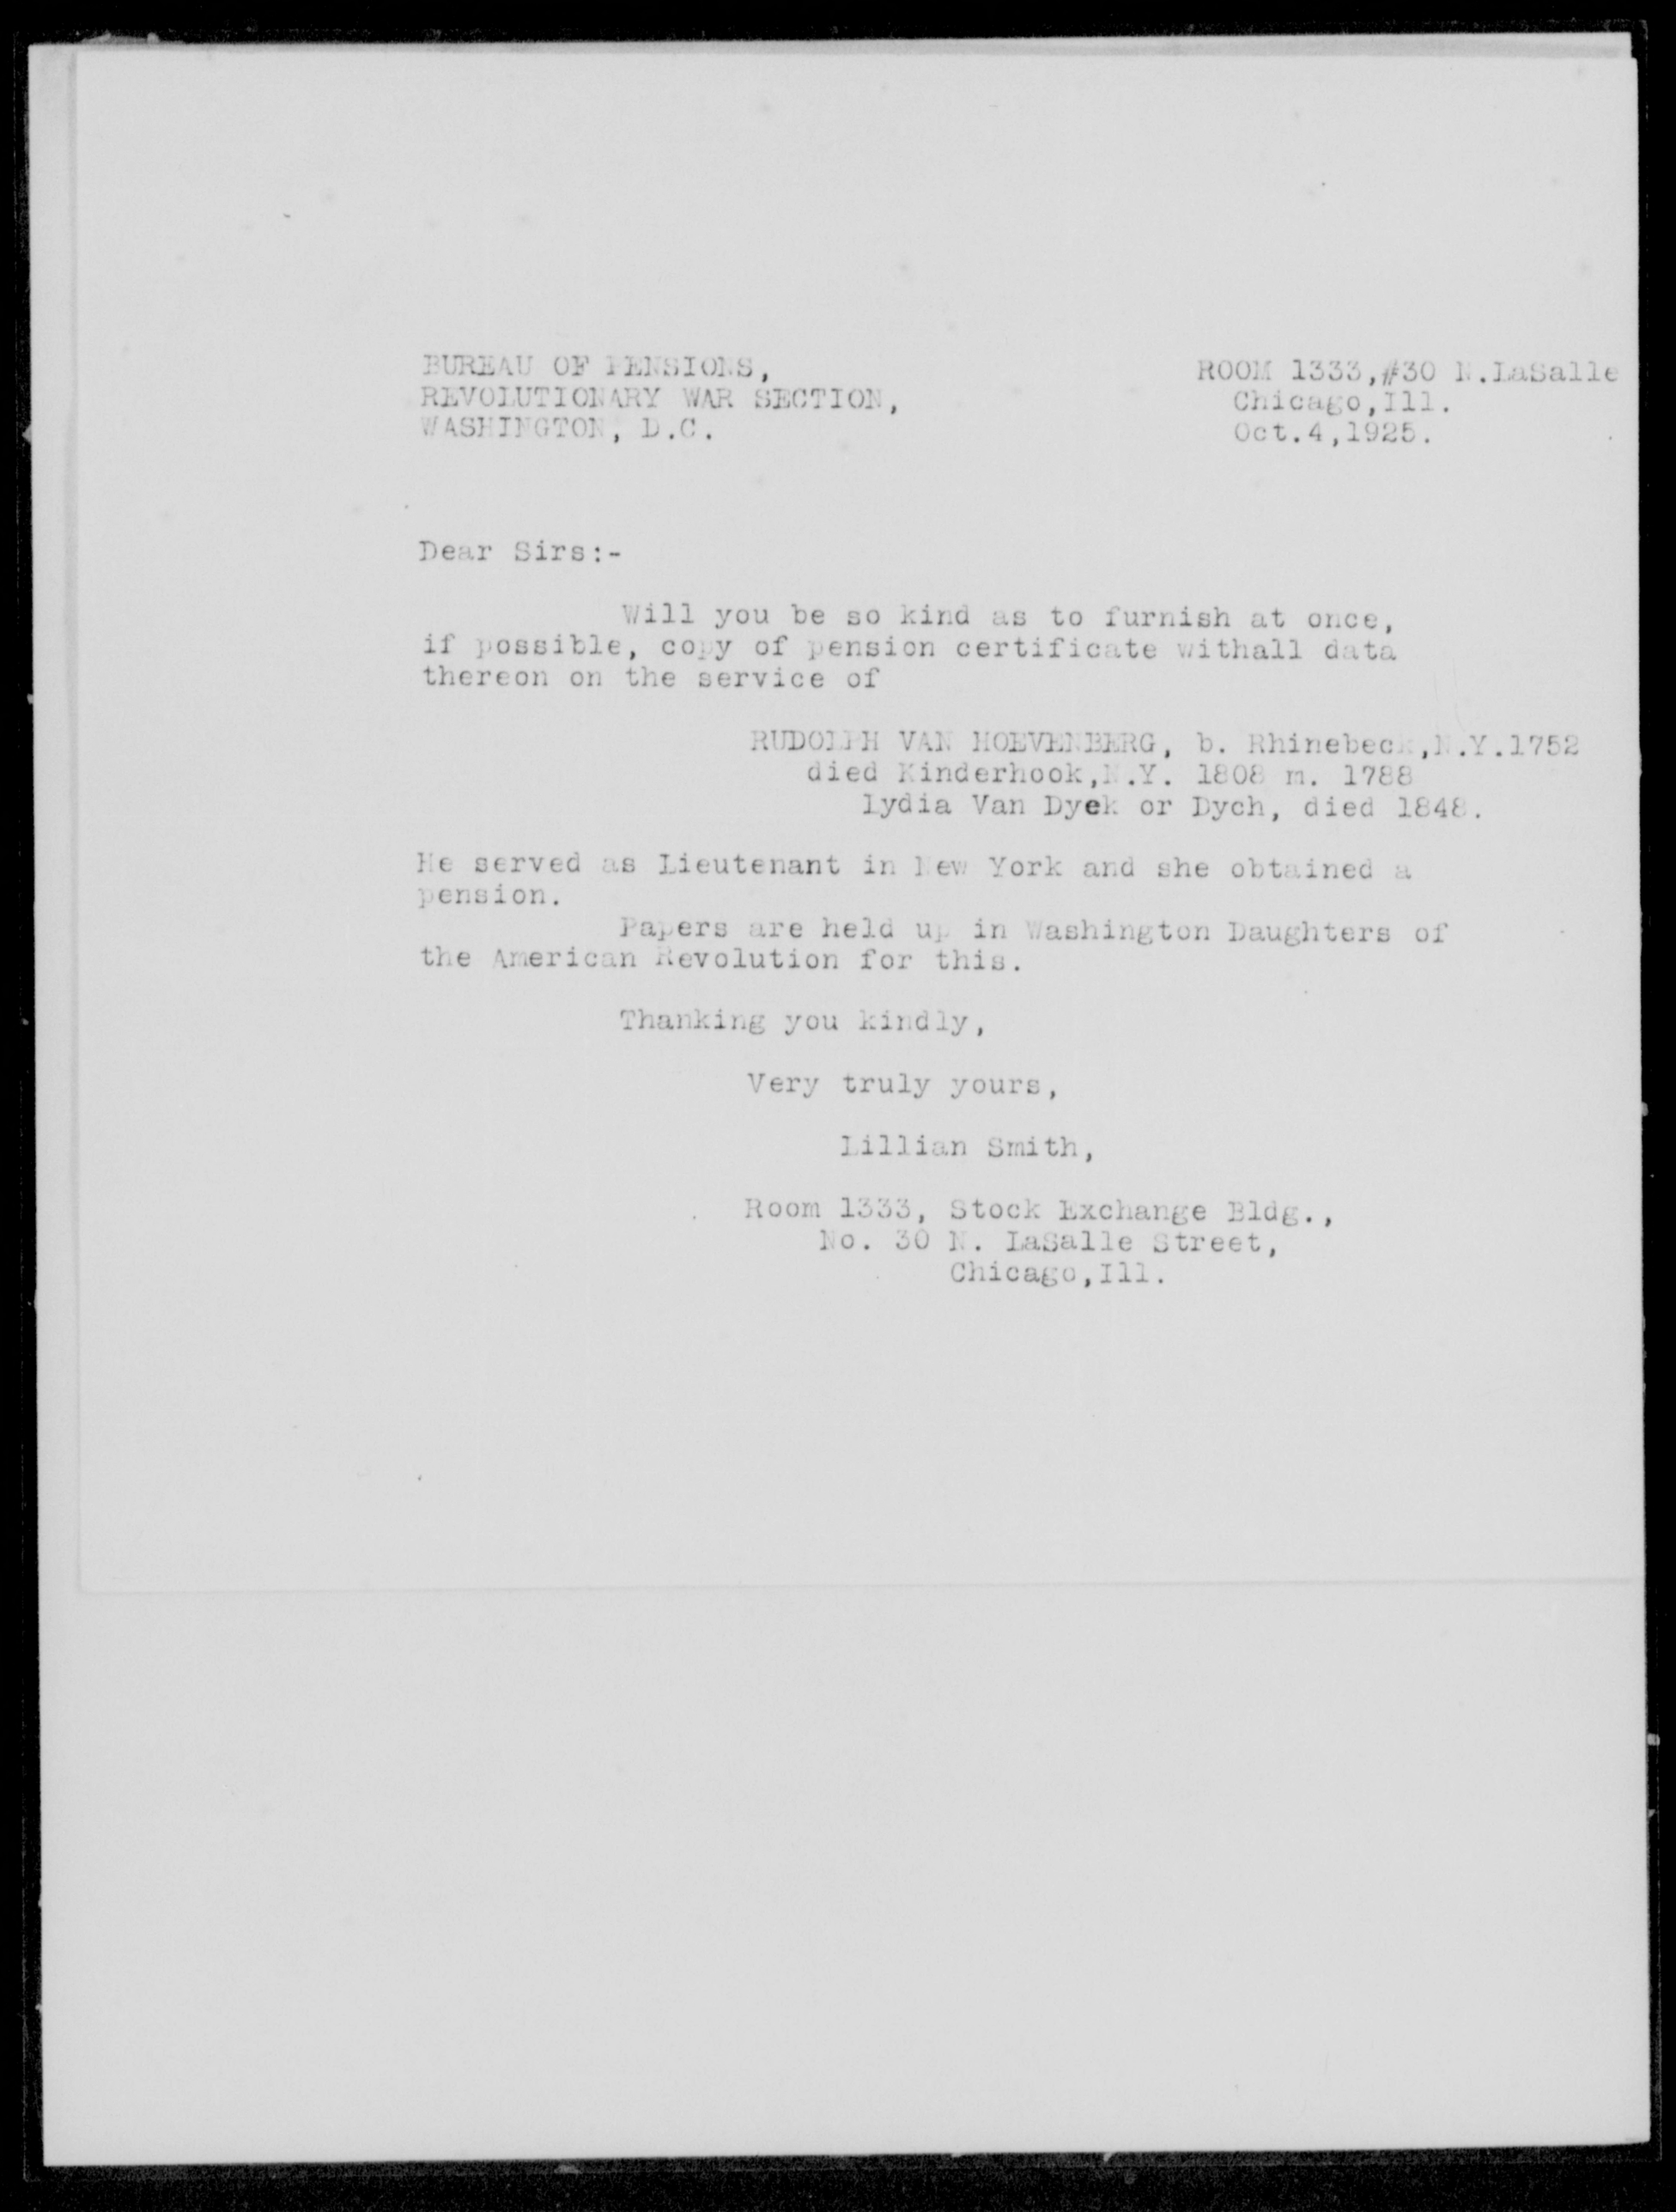[top right]
ROOM 1333, #30 LaSalle
Chicago, 111.
Oct. 4, 1925.

[top left]
BUREAU OF PENSIONS,
REVOLUTIONARY WAR SECTION,
WASHINGTON, D. C.

Dear Sirs:

Will you be so kind as to furnish at once, if possible, copy of pension certificate with all data thereon on the service of 
RUDOLPH VAN HOEVENBERG, b. Rhinebeck, N.Y. 1752 
died Kinderhook, N.Y. 1808 m. 1788
Lydia Van Dyck or Dych, died 1848.
He served as Lieutenant in New York and she obtained a pension.
Papers are held up in Washington Daughters of the American Revolution for this.
Thanking you kindly,
Very truly yours,
Lillian Smith
Room 1333, Stock Exchange Bldg.,
No. 30 N. Lasalle Street,
Chicago, Ill.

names: Lillian Smith, Lydia Dych, Lydia Van Dyck, Rudolph Van Hoevenberg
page: 24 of 38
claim: widow's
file: W. 23324, Rudolphus Van Hoevenbergh, New York